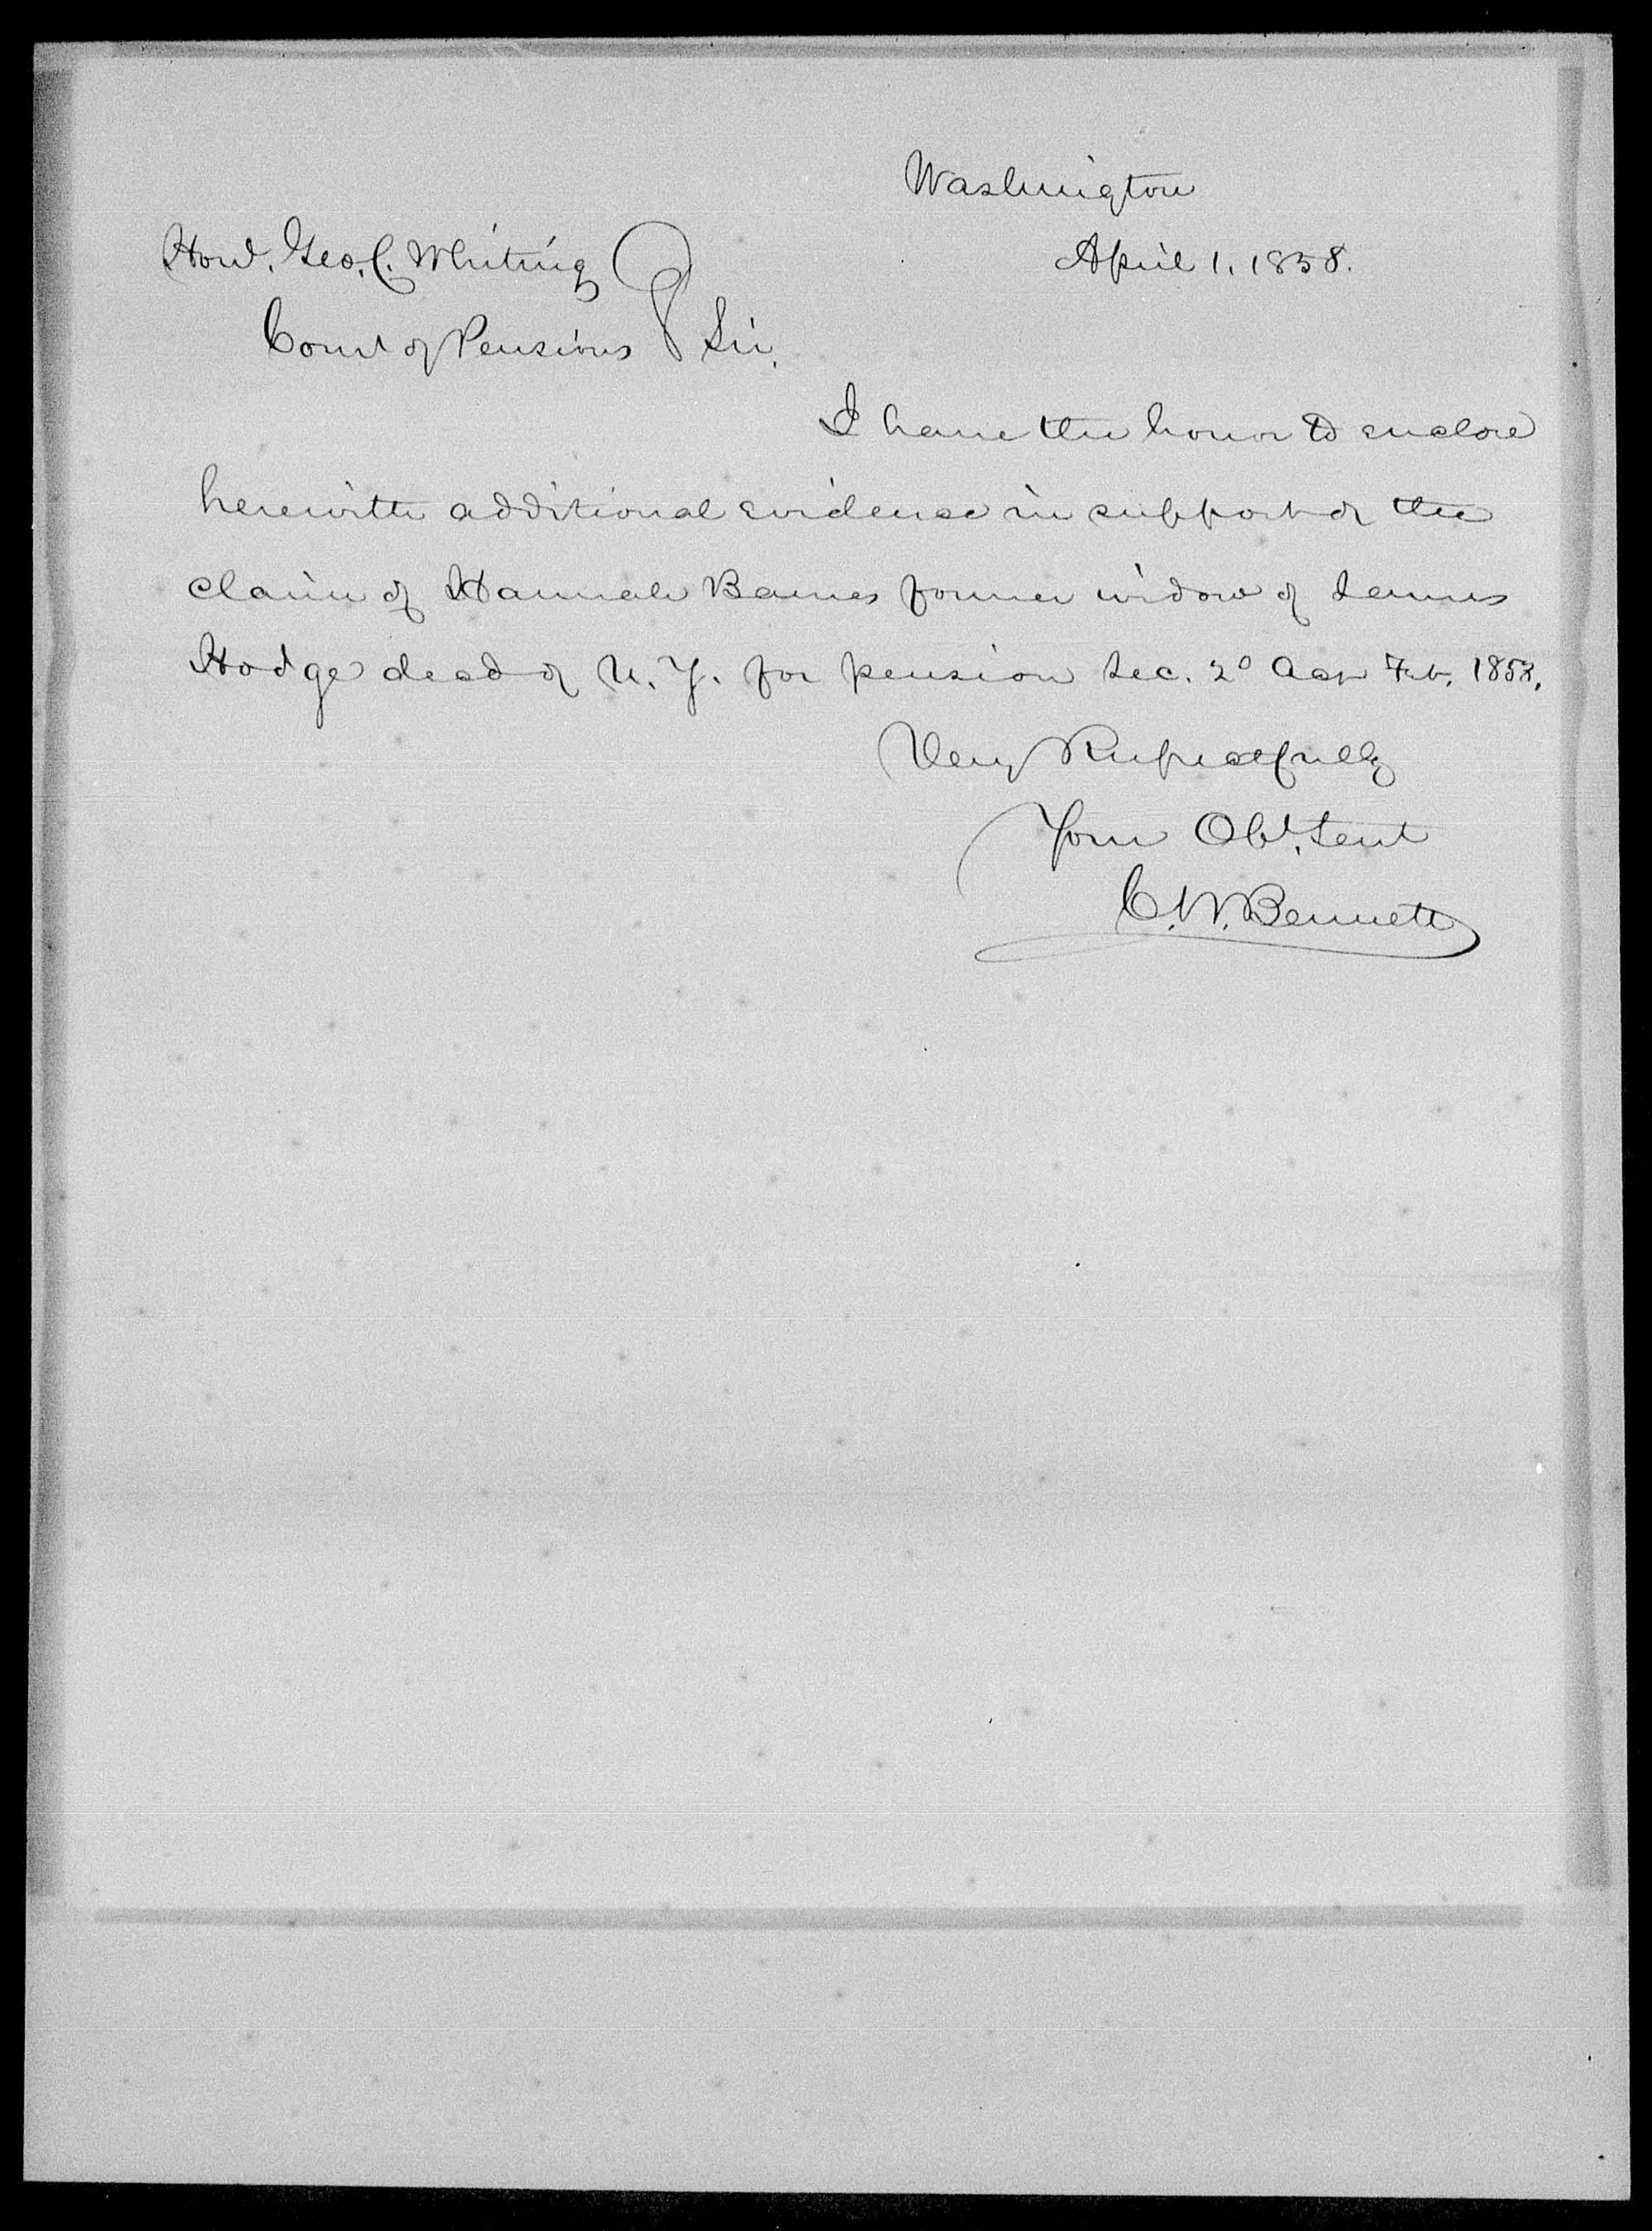Washington 
April 1, 1858
Hon Geo C. Whiting
County Pensions 
Sir
I have the honor to enclose herewith additional evidence in support of the claim of Hannah Burnes former widow of James Hodge dead of N.Y. for pension Dec 20 (illegible) 1858
Very Respectfully,
Your (illegible)
C.W. Bennett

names: C W Bennett, Hannah Burnes, Geo C Whiting, James Hodge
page: 23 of 48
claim: widow's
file: W. 10476, James Hodge, New York